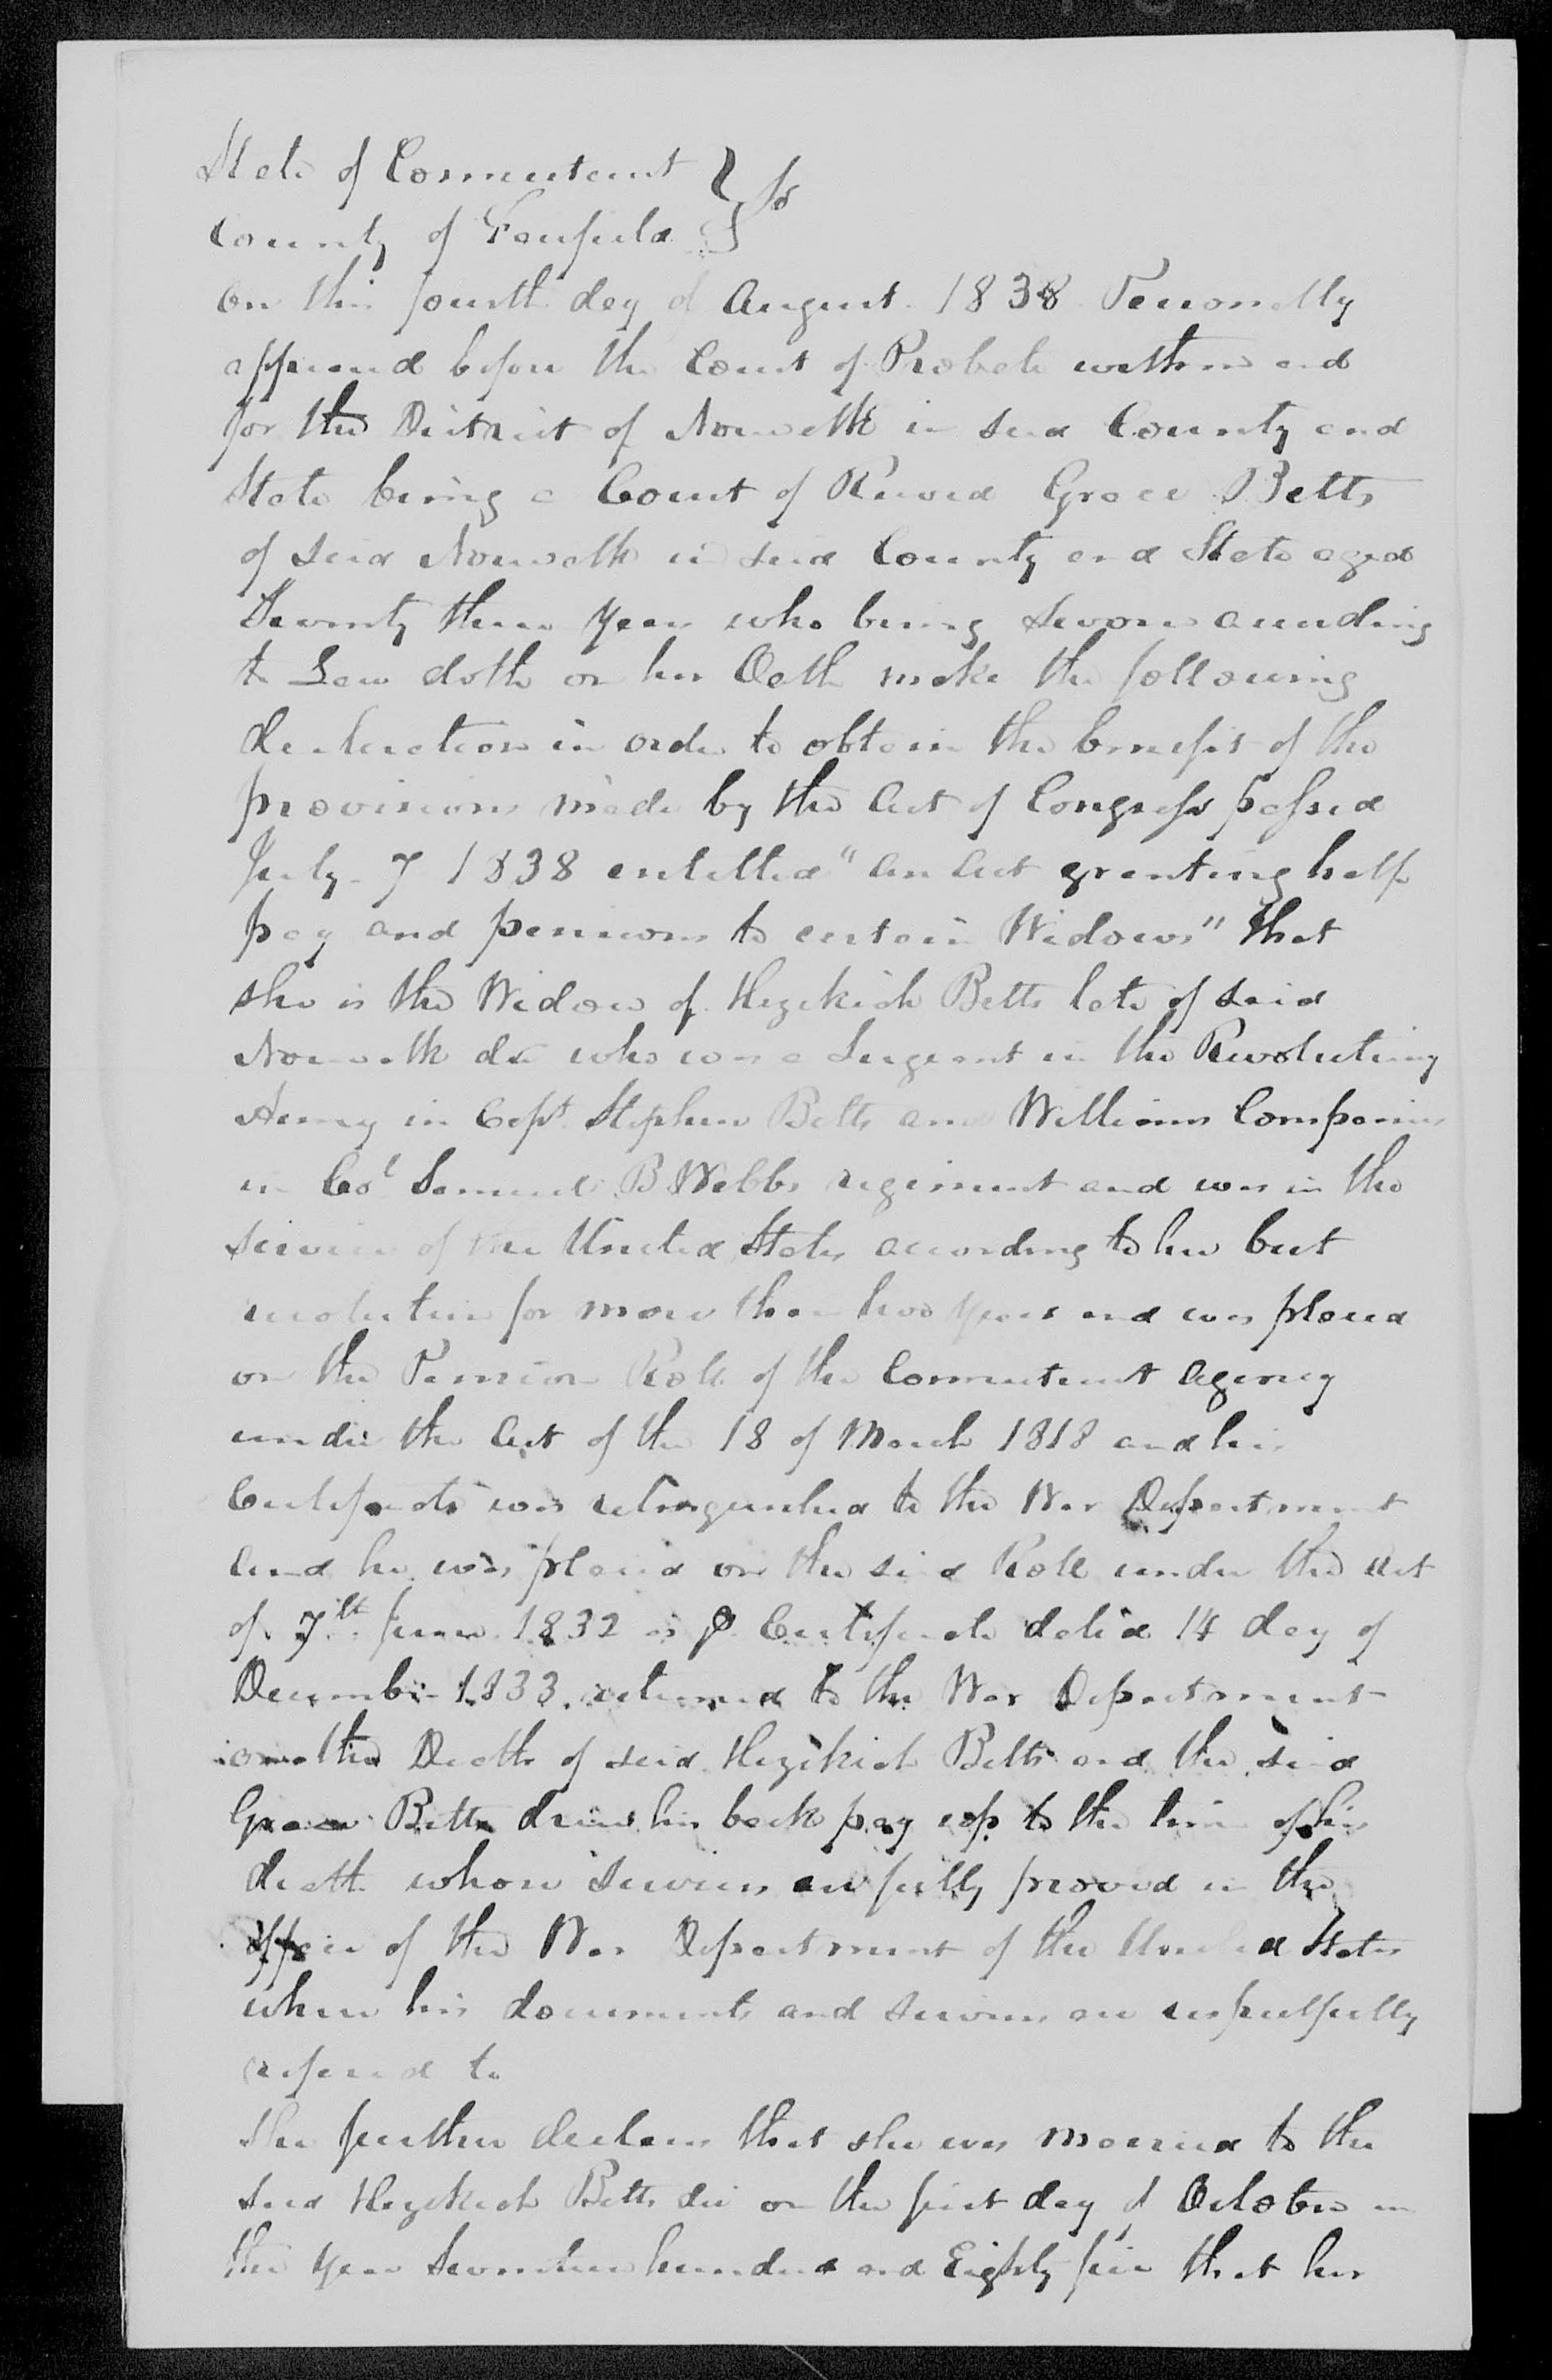State of Connecticut
County of Fairfield} ss.
On the fourth day of August 1838 personally appeared before the Court of Probate within and for the District of Norwalk in said County and State being a Court of Record Grace Betts of said Norwalk in said County and State aged seventy three years who being sworn according to Law doth on her Oath make the following declaration in order to obtain the benefits of the provisions made by the act of Congress passed July 7, 1838 entitled "an act granting half pay and pensions to certain widows," that she is the widow of Hezekiah Betts late of said Norwalk decd who was a Sergeant in the Revolutionary Army in Capt. Stephen Betts and Williams companies in Col Samuel B Webb's regiment and was in the service of the United States according to her but recolection for more than two years and was placed on the Pension Roll of the Connecticut Agency under the act of the 18 of March 1818 and his certificate was relinquished to the War Department and he was placed on the said Roll under the act of 7th June 1832 as sd certificate dated 14 day of December 1833 returned to the War Department on the death of said Hezekiah Betts and the said Grace Betts drew his back pay up to the time of his death whose services are fully proved in the office of the War Department of the United States when his documents and services are restfully refered to.
She further declares that she was married to the said Hezekiah Betts decd on the first day of October the year seventeen hundred and eighty five, that her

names: Stephen Betts, Grace Betts, Grace Betts, Hezekiah Betts, Hezekiah Betts, Hezekiah Betts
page: 13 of 61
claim: widow's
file: W. 29,929, Hezekiah Betts, Conn.